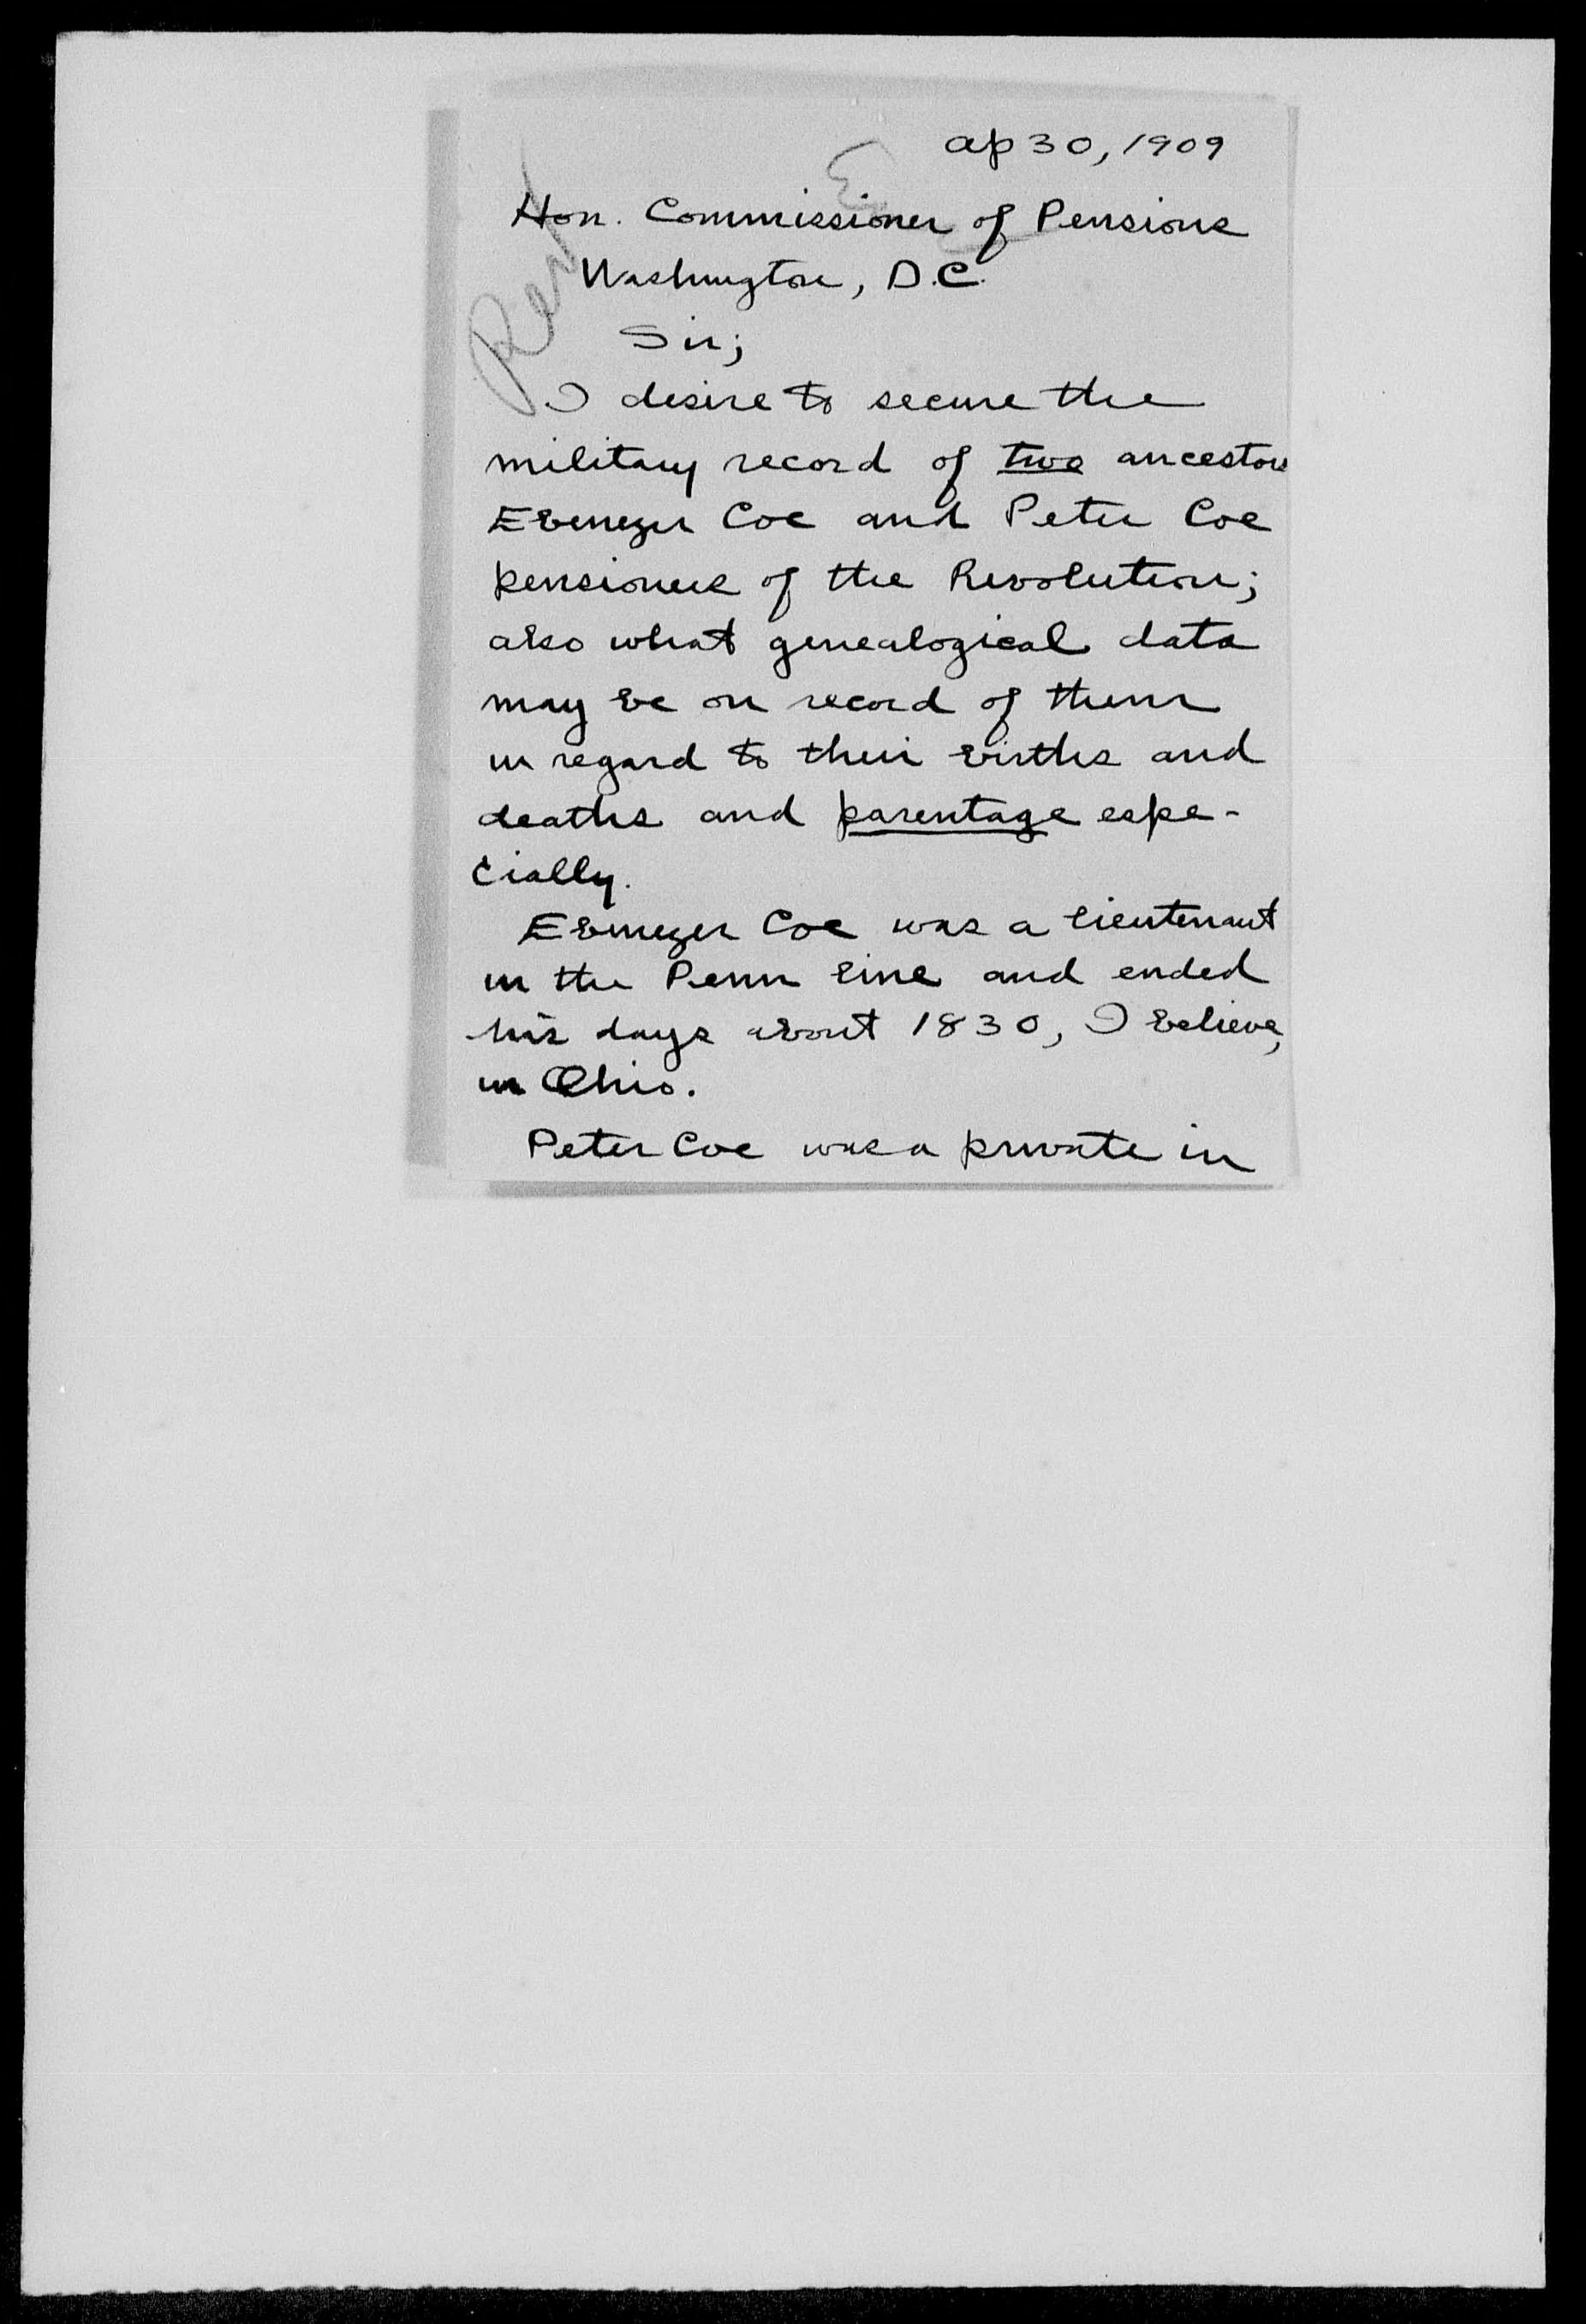Ap 30, 1909   Rev War

Hon. Commissioner of Pensions 
Washington, D.C.
Sir;
I desire to secure the military record of two ancestors Ebenezer Coe and Peter Coe pensioners of the Revolution; also what genealogical data may be on record of them in regard to their births and deaths and parentage especially. 
Ebenezer Coe was lieutenant in the Penn line and ended his days about 1830, I believe, in Ohio.
Peter Coe was a private in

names: Ebenezer Coe, Ebenezer Coe, Peter Coe, Peter Coe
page: 18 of 23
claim: survivor's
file: S. 3167, Peter Coe, New Jersey Penn.